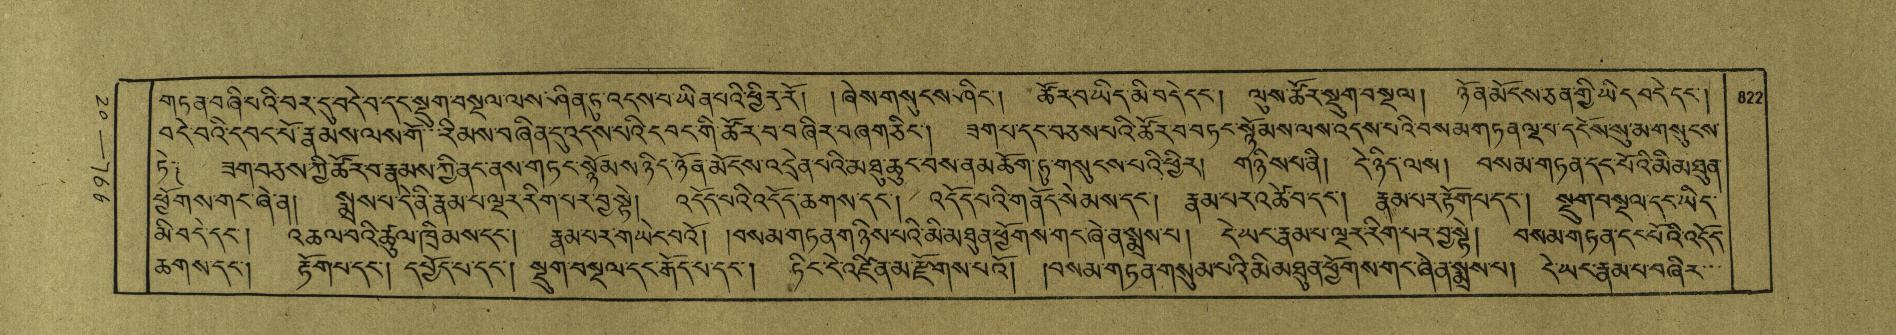གཏན་བཞི་པའི་བར་དུ་བདེ་བ་དང་སྡུག་བསྔལ་ལས་ཤིན་ཏུ་འདས་པ་ཡིན་པའི་ཕྱིར་རོ། །ཞེས་གསུངས་ཤིང་། ཚོར་བ་ཡིད་མི་བདེ་དང་། ལུས་ཚོར་སྡུག་བསྔལ། ཉོན་མོངས་ཅན་གྱི་ཡིད་བདེ་དང་།
བདེ་བའི་དབང་པོ་རྣམས་ལས་གོ་རིམས་བཞིན་དུ་འདས་པའི་དབང་གི་ཚོར་བ་བཞིར་བཞག་ཅིང་། ཟག་པ་དང་བཅས་པའི་ཚོར་བ་བཏང་སྙོམས་ལས་འདས་པའི་བསམ་གཏན་ལྔ་པ་དངོས་སུ་མ་གསུངས་
ཏེ༑ ཟག་བཅས་ཀྱི་ཚོར་བ་རྣམས་ཀྱི་ནང་ནས་གཏང་སྙོམས་ཉིད་ཉོན་མོངས་འདྲེན་པའི་མཐུ་ཆུང་བས་ན་མཆོག་ཏུ་གསུངས་པའི་ཕྱིར། གཉིས་པ་ནི། དེ་ཉིད་ལས། བསམ་གཏན་དང་པོའི་མི་མཐུན་
ཕྱོགས་གང་ཞེ་ན། སྨྲས་པ་དང་དེ་ནི་རྣམ་པར་ལྔར་རིག་པར་བྱ་སྟེ། འདོད་པའི་འདོད་ཆགས་དང་། འདོད་པའི་གནོད་སེམས་དང་། རྣམ་པར་འཚེ་བ་དང་། རྣམ་པར་རྟོག་པ་དང་། སྡུག་བསྔལ་དང་ཡིད་
མི་བདེ་དང་། འཆལ་བའི་ཚུལ་ཁྲིམས་དང་། རྣམ་པར་གཡེང་བའོ། །བསམ་གཏན་གཉིས་པའི་མི་མཐུན་ཕྱོགས་གང་ཞེ་ན་སྨྲས་པ། དེ་ཡང་རྣམ་པ་ལྔར་རིག་པར་བྱ་སྟེ། བསམ་གཏན་དང་པོའི་འདོད་
ཆགས་དང་། རྟོག་པ་དང་། དཔྱོད་པ་དང་། སྡུག་བསྔལ་དང་རྒོད་པ་དང་། ཏིང་ངེ་འཛིན་མ་རྫོགས་པའོ། །བསམ་གཏན་གསུམ་པའི་མི་མཐུན་ཕྱོགས་གང་ཞེ་ན་སྨྲས་པ། དེ་ཡང་རྣམ་པ་བཞིར་